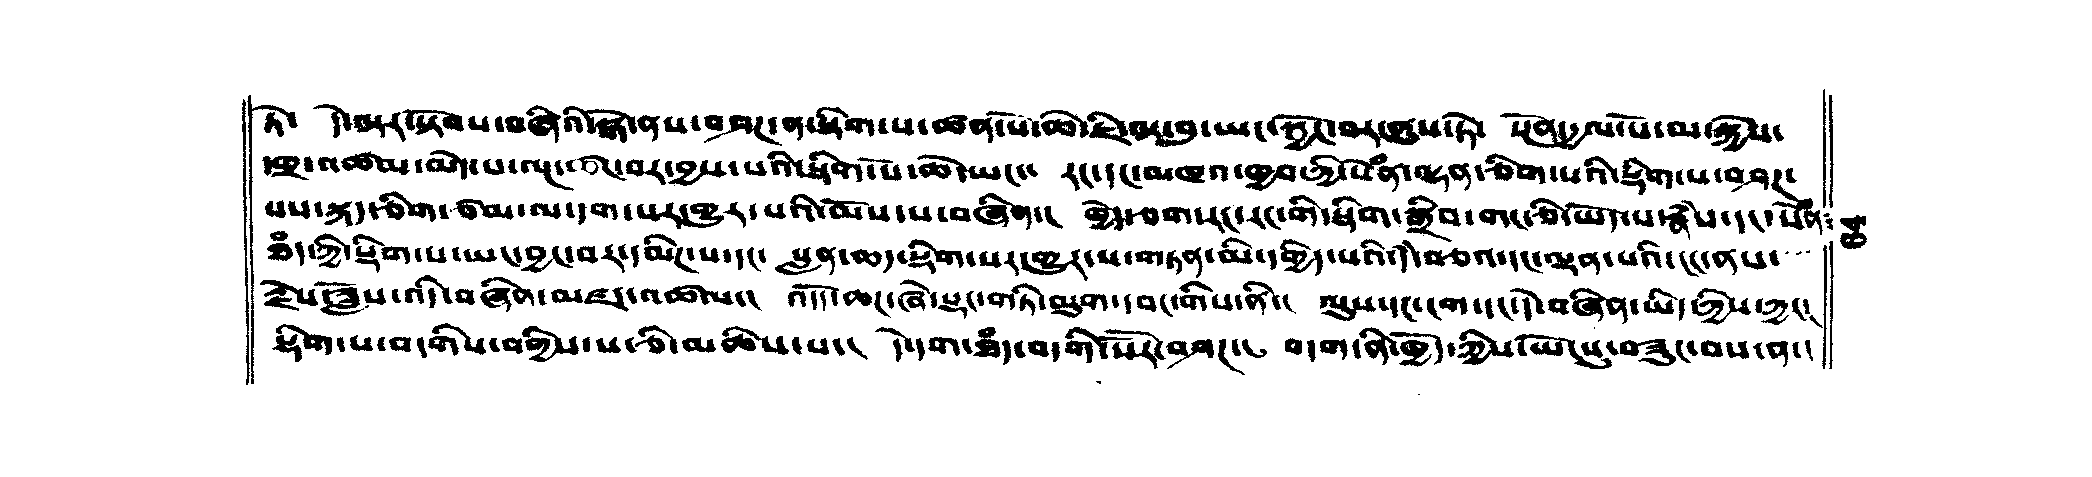ཏེ། དེ་ལྟར་སྟོབ་བཞིའི་སྒོ་ནས་བཤགས་ན་སྡིག་པ་ཚན་པོ་ཆེ་ཇི་ལྟ་བུ་ཡག་སྦྱོང་བར་ནུས་ཏེ། སྔོན་རྒྱལ་པོ་མ་སྐྱེས་
དགྲ་འཚམ་མེད་པ་ལྔ་ཚང་བར་བྱས་པའི་སྡིག་པོ་ཆེ་ཡང་། རང་དང་མཁའ་ཁྱབ་ཀྱི་སེམས་ཅན་ལྷན་ཅིག་པའི་སྡིག་པ་བཤགས་
པས་སྐད་ཅིག་ཙམ་ལ་དག་པར་གྱུར་པའི་མོས་པ་བཞིན། ཁྱེད་ཅག་རང་རང་གི་སྡིག་སྒྲིབ་གང་ཅི་ཡོད་པ་རྣམས་དང་སེམས་ཅན་
ཐམས་ཅད་ཀྱི་སྡིག་པ་ཡང་བྱང་བར་དམིགས་པ་དང་། སླན་ཆད་སྡིག་པར་གྱུར་པ་གཏན་མི་དགྱིད་པའི་དམ་བཅའ་དང་ལྡན་པའི་ངང་ནས་
རྗེས་ཟློས་འདི་བཞིན་མཛད་འཚལ། འདོད་ཆགས་ཞེ་སྡང་གཏི་མུག་དབང་གིས་ནི། ལུས་དང་ངག་དང་དེ་བཞིན་ཡོད་ཀྱིས་ཀྱང་། 
སྡིག་པ་བདག་གིས་བགྱིས་པ་ཅི་མཆིས་པ། དེ་དག་ཐམས་ཅད་བདག་གིས་སོ་སོར་བཤགས། བདག་ནི་ཁྱོད་ཀྱིས་ཡོངས་སུ་བཟུང་བས་ན།